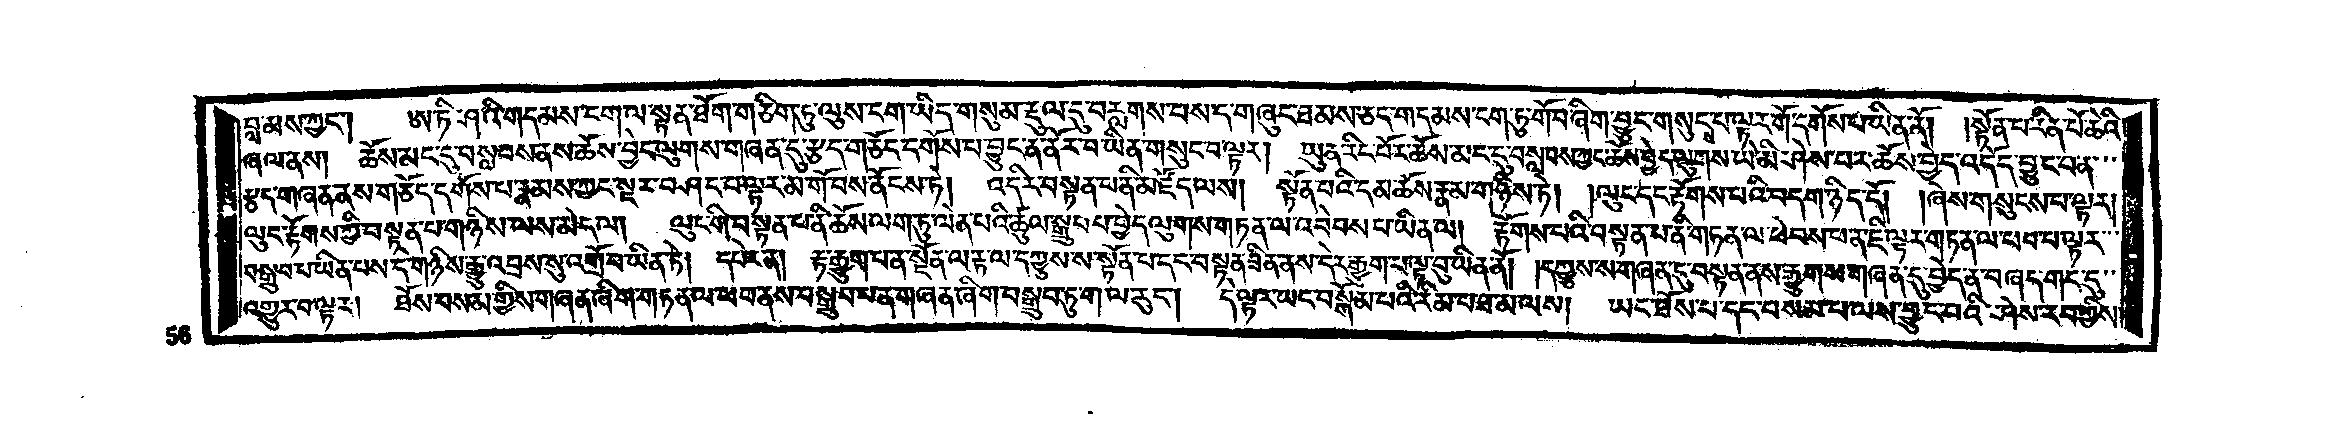བླ་མས་ཀྱང་། ཨ་ཏི་ཤའི་གདམས་ངག་ལ་སྟན་ཐོག་གཅིག་ཏུ་ལུས་ངག་ཡིད་གསུམ་རྡུལ་དུ་བརླགས་པས་ད་གཞུང་ཐམས་ཅད་གདམས་ངག་ཏུ་གོ་བ་ཞིག་བྱུང་གསུང་བ་ལྟར་གོ་དགོས་པ་ཡིན་ནོ། །སྟོན་པ་རིན་པོ་ཆེའི་
ཞལ་ནས། ཆོས་མང་དུ་བསླབས་ནས་ཆོས་བྱེད་ལུགས་གཞན་དུ་རྩད་གཅོད་དགོས་པ་བྱུང་ན་ནོར་བ་ཡིན་གསུང་བ་ལྟར། ཡུན་རིང་པོར་ཆོས་མང་དུ་བསླབས་ཀྱང་ཆོས་བྱེད་ལུགས་ཡེ་མི་ཤེས་པར་ཆོས་བྱེད་འདོད་བྱུང་བ་ན་
རྩད་གཞན་ནས་གཅོད་དགོས་པ་རྣམས་ཀྱང་སྔར་བཤད་པ་ལྟར་མ་གོ་བས་ནོངས་ཏེ། འདིར་བསྟན་པ་ནི་མཛོད་ལས། སྟོན་པའི་དམ་ཆོས་རྣམ་གཉིས་ཏེ། །ལུང་དང་རྟོགས་པའི་བདག་ཉིད་དོ། །ཞེས་གསུངས་པ་ལྟར།
ལུང་རྟོགས་ཀྱི་བསྟན་པ་གཉིས་ལས་མེད་ལ། ལུང་གི་བསྟན་པ་ནི་ཆོས་ལག་ཏུ་ལེན་པའི་ཚུལ་སྒྲུབ་པ་བྱེད་ལུགས་གཏན་ལ་འབེབས་པ་ཡིན་ལ། རྟོགས་པའི་བསྟན་པ་ནི་གཏན་ལ་ཕེབས་པ་ན་ཇི་ལྟར་གཏན་ལ་ཕབ་པ་ལྟར་
བསྒྲུབ་པ་ཡིན་པས་དེ་གཉིས་རྒྱུ་འབྲས་སུ་འགྲོ་བ་ཡིན་ཏེ། དཔེར་ན། རྟ་རྒྱུག་པ་ན་སྔོན་ལ་རྟ་ལ་དཀྱུས་ས་སྟོན་པ་དང་བསྟན་ཟིན་ནས་དེར་རྒྱུག་པ་ལྟ་བུ་ཡིན་ནོ། །དཀྱུས་ས་གཞན་དུ་བསྟན་ནས་རྒྱུགས་གཞན་དུ་བྱེད་ན་བཞད་གད་དུ་
འགྱུར་བ་ལྟར། ཐོས་བསམ་གྱིས་གཞན་ཞིག་གཏན་ལ་ཕབ་ནས་བསྒྲུབ་པ་ན་གཞན་ཞིག་བསྒྲུབ་ཏུ་ག་ལ་རུང་། དེ་ལྟར་ཡང་བསྒོམ་པའི་རིམ་པ་ཐ་མ་ལས། ཡང་ཐོས་པ་དང་བསམ་པ་ལས་བྱུང་བའི་ཤེས་རབ་ཀྱིས་